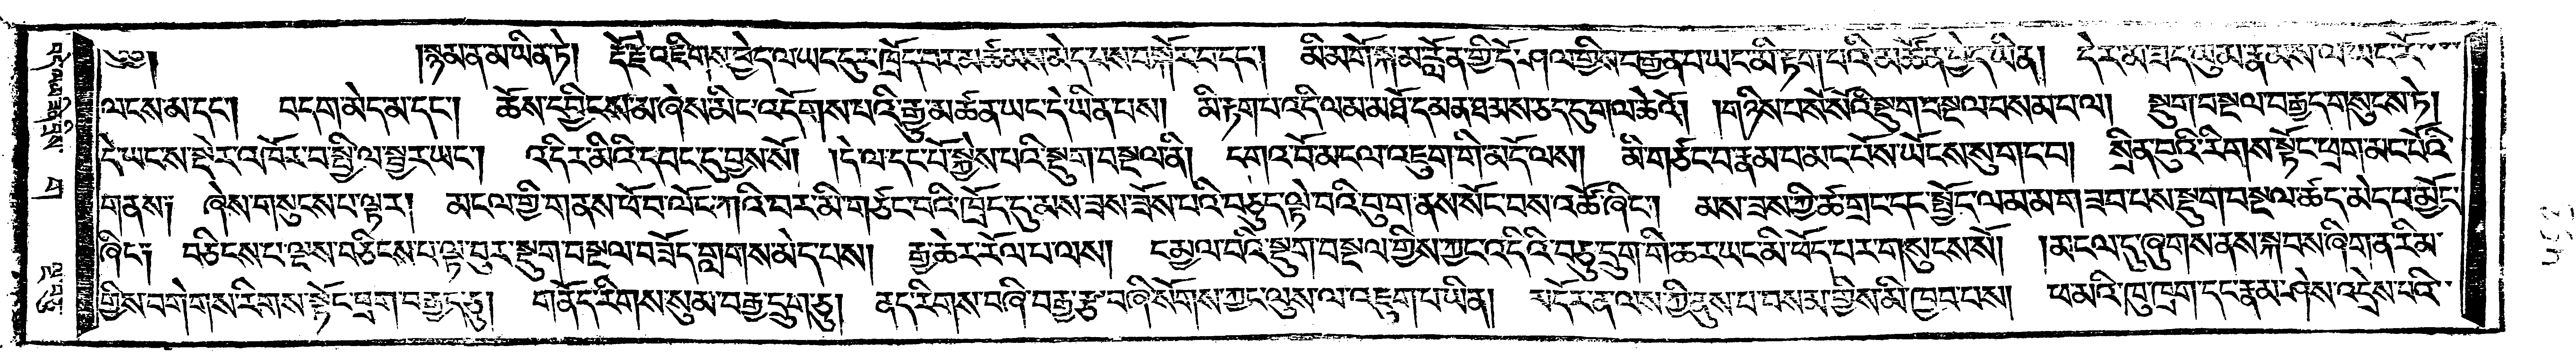༄༅། །སྙམ་ན་མ་ཡིན་ཏེ། རྡོ་རྗེ་འཇིགས་བྱེད་ལ་ཡང་དུར་ཁྲོད་བར་མཚམས་མེད་པས་བསྐོར་བ་དང་། མི་མགོ་སྐམ་རློན་གྱི་དོ་ཤལ་གྱིས་བརྒྱན་པ་ཡང་མི་རྟག་པའི་མཚོན་བྱེད་ཡིན། དེར་མ་ཟད་ཡུམ་རྣམས་ལ་ཡང་རོ་
ལངས་མ་དང་། བདག་མེད་མ་དང་། ཆོས་དབྱིངས་མ་ཞེས་མིང་འདོགས་པའི་རྒྱུ་མཚན་ཡང་དེ་ཡིན་པས། མི་རྟག་པ་འདི་ལམ་མཐོ་དམན་ཐམས་ཅད་དུ་གལ་ཆེའོ། །གཉིས་པ་སོ་སོའི་སྡུག་བསྔལ་བསམ་པ་ལ། སྡུག་བསྔལ་བརྒྱད་གསུངས་ཏེ།
དེ་ཡང་ས་སྡེར་འཁོར་བ་སྤྱི་ལ་སྦྱར་ཡང་། འདིར་མིའི་དབང་དུ་བྱས་སོ། །དེ་ལ་དང་པོ་སྐྱེས་པའི་སྡུག་བསྔལ་ནི། དགའ་བོ་མངལ་འཇུག་གི་མདོ་ལས། མི་གཙང་བ་རྣམ་པ་མང་པོས་ཡོངས་སུ་གང་བ། སྲིན་བུའི་རིགས་སྟོང་ཕྲག་མང་པོའི་
གནས༑ ཞེས་གསུངས་པ་ལྟར། མངལ་གྱི་གནས་ཕོ་བ་ལོང་ཀའི་བར་མི་གཙང་བའི་ཁྲོད་དུ་མས་ཟས་ཟོས་པའི་བཅུད་ལྟེ་བའི་བུག་ནས་སོང་བས་འཚོ་ཞིང་། མས་ཟས་ཀྱི་ཚ་གྲའི་དང་སྤྱོད་ལམ་མ་གཟབ་པས་སྡུག་བསྔལ་ཚད་མེད་པ་མྱོང་
ཞིང༑ བཅིངས་པ་ལྔས་བཅིངས་པ་ལྟ་བུར་སྡུག་བསྔལ་བཟོད་གླགས་མེད་པས། རྒྱ་ཆེར་རོལ་པ་ལས། དམྱལ་བའི་སྡུག་བསྔལ་གྱིས་ཀྱང་འདིའི་བཅུ་དྲུག་གི་ཆར་ཡང་མི་ཕོད་པར་གསུངས་སོ། །མངལ་དུ་ཞུགས་ནས་སྐབས་ཞིག་ན་རིམ་
གྱིས་བགེགས་རིགས་སྟོང་ཕྲག་བརྒྱད་ཅུ། གནོད་རིགས་སུམ་བརྒྱ་དྲུག་ཅུ། ནད་རིགས་བཞི་བརྒྱ་རྩ་བཞི་སོགས་ཀྱང་ལུས་ལ་འཇུག་པ་ཡིན། མདོར་ན་ལས་ཀྱི་ནུས་པ་བསམ་གྱིས་མི་ཁྱབ་པས། ཕ་མའི་ཁུ་ཁྭག་དང་རྣམ་ཤེས་འདྲེས་པའི་